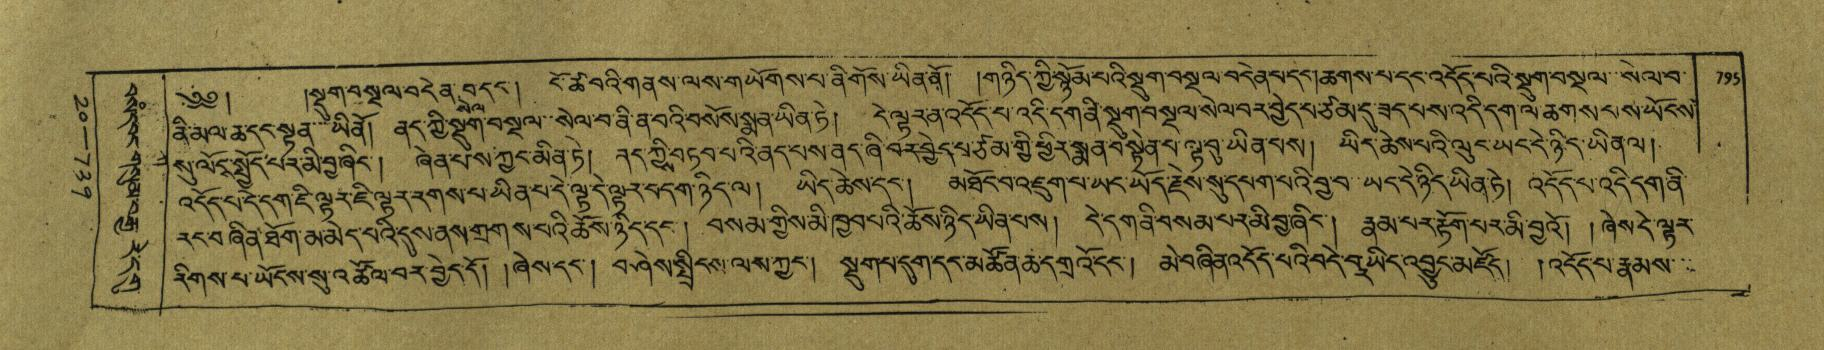༄༅། །སྡུག་བསྔལ་བདེན་སེལ་བ་དང་། ངོ་ཚ་བའི་གནས་ལས་གཡོགས་པ་ནི་གོས་ཡིན་ནོ། །གཉིད་ཀྱི་སྙོམ་པའི་སྡུག་བསྔལ་བདེན་པ་དང་། ཆགས་པ་དང་འདོད་པའི་སྡུག་བསྔལ་སེལ་བ་
ནི་མལ་ཆ་དང་སྟན་ཡི་ནོ། ནད་ཀྱི་སྡུག་བསྔལ་སེལ་བ་ནི་ན་བའི་བསོས་སྨན་ཡིན་ཏེ། དེ་ལྟར་ན་འདོད་པ་འདི་དག་ནི་སྡུག་བསྔལ་སེལ་བར་བྱེད་པ་ཙམ་དུ་ཟད་པས་འདི་དག་ལ་ཆགས་པས་ཡོངས་
སུ་ལོངས་སྤྱོད་པར་མི་བྱ་ཞིང་། ཞེན་པས་ཀྱང་མིན་ཏེ། ནད་ཀྱིས་བཏབ་པའི་ནད་པས་ནད་ཞི་བར་བྱེད་པ་ཙམ་གྱི་ཕྱིར་སྨན་བསྟེན་པ་ལྟ་བུ་ཡིན་པས། ཡིད་ཆེས་པའི་ལུང་ཡང་དེ་ཉིད་ཡིན་ལ།
འདོད་པ་དེ་དག་ཇི་ལྟར་ཇི་ལྟར་རགས་པ་ཡིན་པ་དེ་ལྟ་དེ་ལྟར་བདག་ཉིད་ལ། ཡིད་ཆེས་དང་། མཐོང་བ་འཇུག་པ་ཡང་ཡོད་རྗེས་སུ་དཔག་པའི་བྱ་བ་ཡང་དེ་ཉིད་ཡིན་ཏེ། འདོད་པ་འདི་དག་ནི་
རང་བཞིན་ཐོག་མ་མེད་པའི་དུས་ནས་གྲགས་པའི་ཆོས་ཉིད་དང་། བསམ་གྱིས་མི་ཁྱབ་པའི་ཆོས་ཉིད་ཡིན་པས། དེ་དག་ནི་བསམ་པར་མི་བྱ་ཞིང་། རྣམ་པར་རྟོག་པར་མི་བྱའོ། །ཞེས་དེ་ལྟར་
རིགས་པ་ཡོངས་སུ་འཚོལ་བར་བྱེད་དོ། །ཞེས་དང་། བཤེས་སྤྲིངས་ལས་ཀྱང་། སྡུག་པ་དུག་དང་མཚོན་ཆ་དགྲའོ་དང་། མེ་བཞིན་འདོད་པའི་བདེ་བར་ཡིད་འབྱུང་མཛོད། །འདོད་པ་རྣམས་